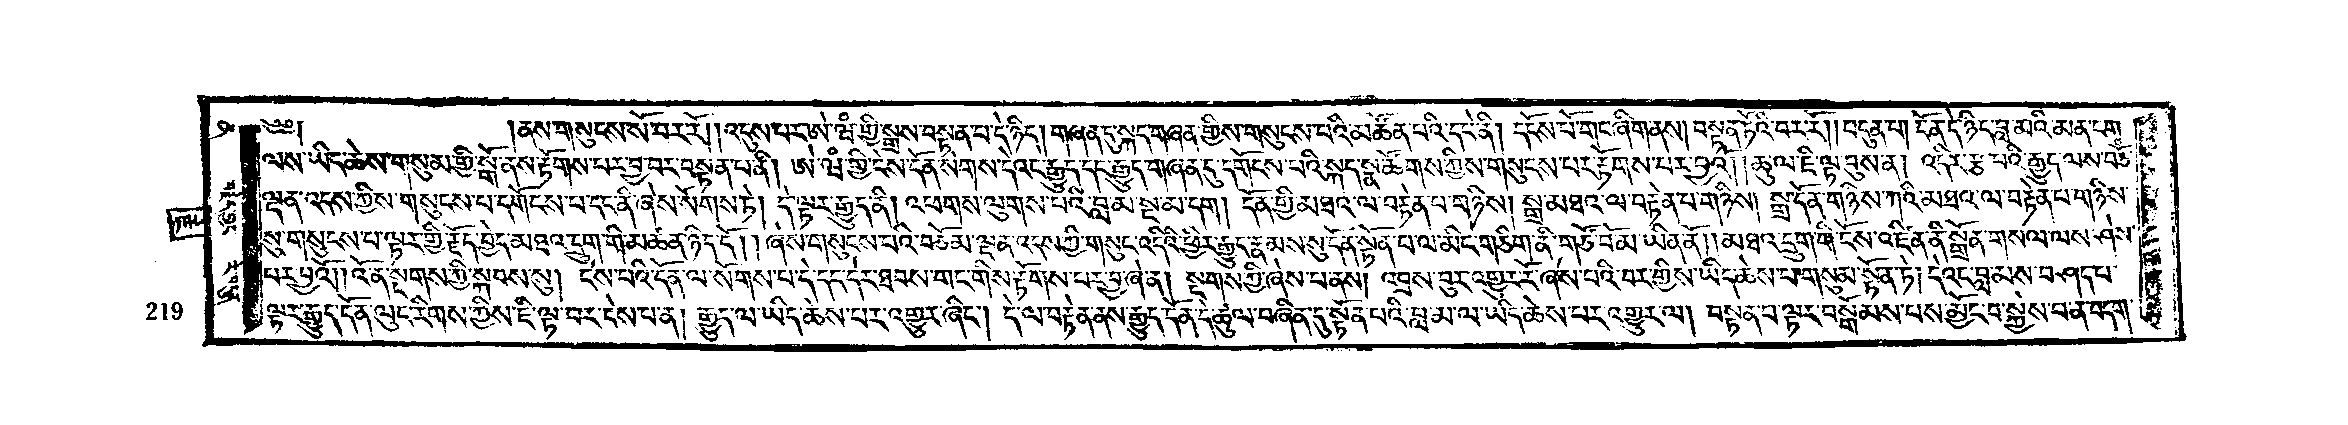༄༅། །ནས་གསུངས་སོ་བར་རོ། །འདུས་པར་ཨེ་ཝཾ་གྱི་སྒྲས་བསྟན་པ་དེ་ཉིད། གཞན་དུ་སྐད་གཞན་གྱིས་གསུངས་པའི་མཚོན་པའི་དཔེ་ནི། དངོས་པོ་གང་ཞིག་ནས། བསྟན་ཏོའི་བར་རོ། །བདུན་པ། དོན་དེ་ཉིད་བླ་མའི་མན་ངག་
ལས་ཡིད་ཆེས་གསུམ་གྱི་སྒོ་ནས་རྟོགས་པར་བྱ་བར་བསྟན་པ་ནི། ཨེ་ཝཾ་གྱི་ངེས་དོན་སོགས་དེའང་རྒྱུད་དང་རྒྱུད་གཞན་དུ་དགོངས་པའི་སྐད་སྣ་ཚོགས་ཀྱིས་གསུངས་པར་རྟོགས་པར་བྱའོ། །ཆུལ་ཇི་ལྟ་བུས་ན། འདིར་རྩ་བའི་རྒྱུད་ལས་བཅོམ་
ལྡན་འདས་ཀྱིས་གསུངས་པ་དགོངས་པ་དང་ནི་ཞེས་སོགས་ཏེ། དེ་ལྟར་རྒྱུད་ནི། འཕགས་ལུགས་པའི་བླ་མ་སྔ་མ་དག །དོན་གྱི་མཐའ་ལ་བརྟེན་པ་གཉིས། སྒྲ་མཐའ་ལ་བརྟེན་པ་གཉིས། སྒྲ་དོན་གཉིས་ཀའི་མཐའ་ལ་བརྟེན་པ་གཉིས་
སུ་གསུངས་པ་ལྟར་གྱི་རྗོད་བྱེད་མཐའ་དྲུག་གི་མཚན་ཉིད་དོ། །ཞེས་གསུངས་པའི་བཅོམ་ལྡན་འདས་ཀྱི་གསུངས་འདིའི་ཕྱིར་རྒྱུད་རྣམས་སུ་དོན་སྟོན་པ་ལ་མིང་གཅིག་ནི་གཙོ་བོ་མ་ཡིན་ནོ། །མཐའ་དྲུག་གི་ངོས་འཛིན་ནི་སྒྲོན་གསལ་ལས་ཤེས་
པར་བྱའོ། །འོ་ན་སྔགས་ཀྱི་སྐབས་སུ། ངེས་པའི་དོན་ལ་སོགས་པ་དེ་དང་དེར་ཐབས་གང་གིས་རྟོགས་པར་བྱ་ཞེ་ན། སྔགས་ཀྱི་ཞེས་པ་ནས། འབྲས་བུར་འགྱུར་རོ་ཞེས་པའི་བར་གྱིས་ཡིད་ཆེས་པ་གསུམ་སྟོན་ཏེ། དེའང་བླ་མས་བཤད་པ་
ལྟར་རྒྱུད་དོན་ལུང་རིགས་ཀྱིས་ཇི་ལྟ་བར་ངེས་པ་ན། རྒྱུད་ལ་ཡིད་ཆེས་པར་འགྱུར་ཞིང་། དེ་ལ་བརྟེན་ནས་རྒྱུད་དོན་དེ་ཚུལ་བཞིན་དུ་སྟོན་པའི་བླ་མ་ལ་ཡིད་ཆེས་པར་འགྱུར་ལ། བསྟན་པ་ལྟར་བསྒོམས་པས་མྱོང་བ་སྐྱེས་པ་ན་བདག་